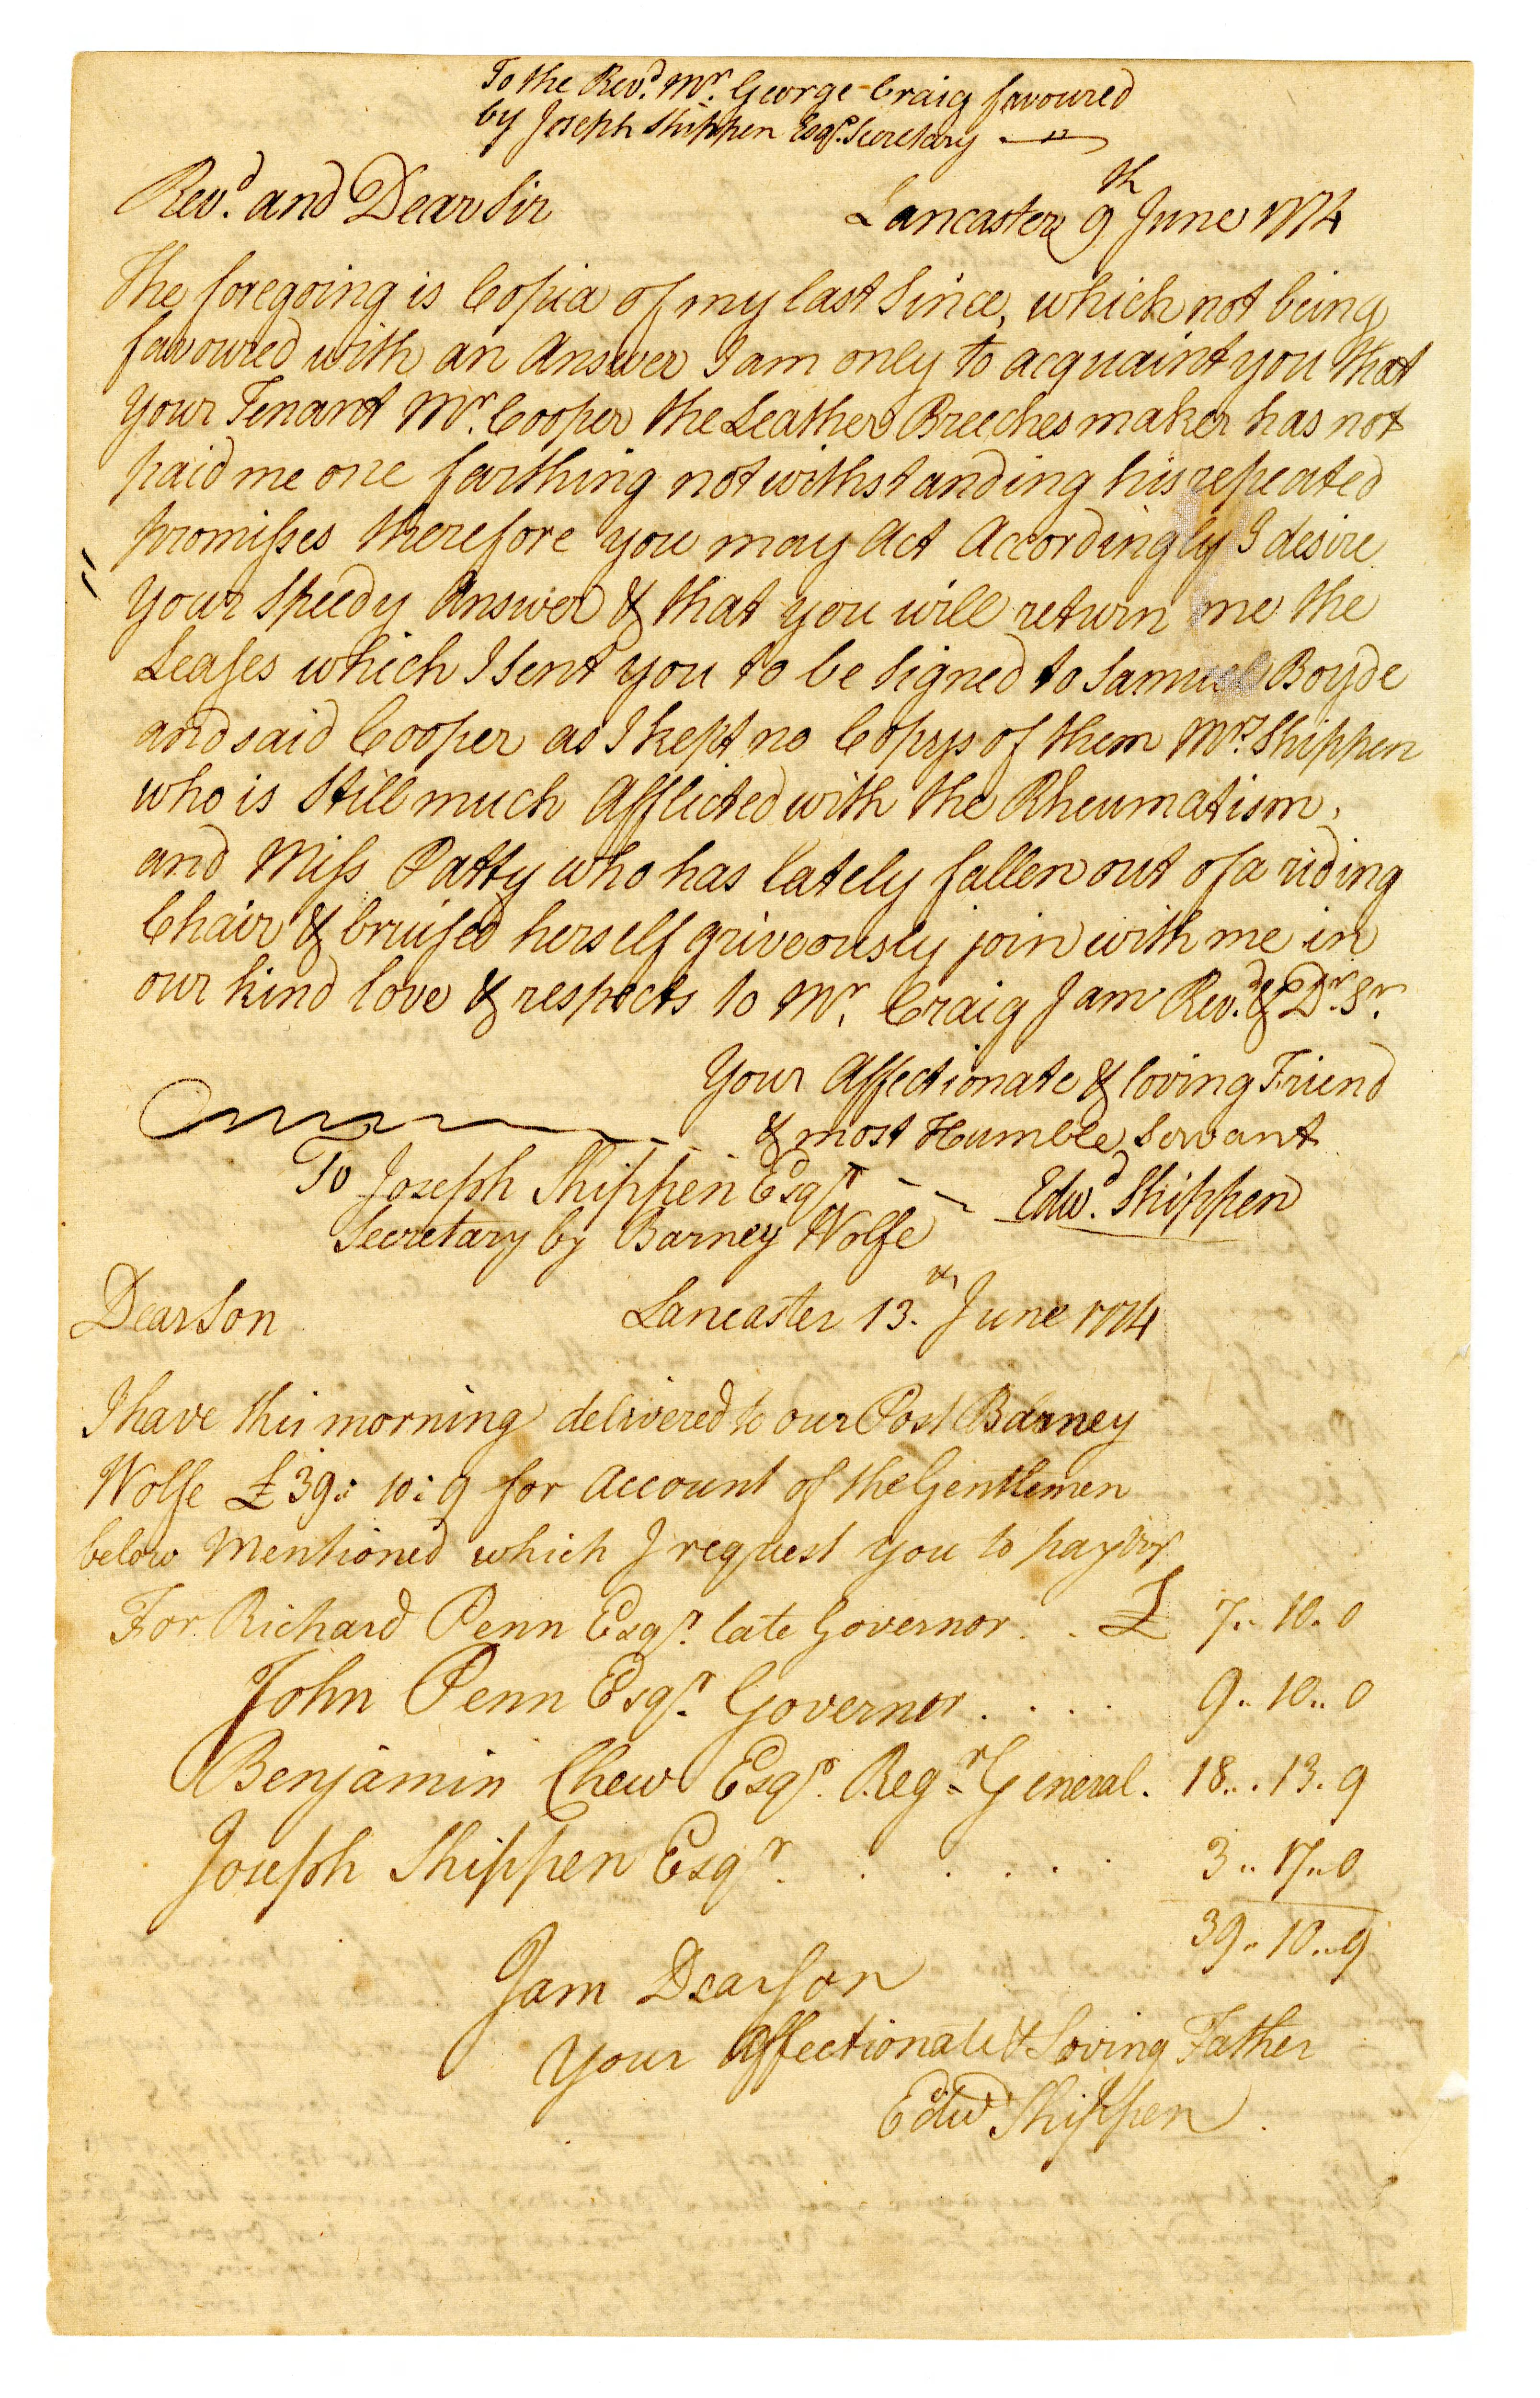To the Rev^d. M^r. George Craig favoured
by Joseph Shippen Esq^r. Secretary-
Lancaster 9^th June 1774
Rev.^d and Dear Sir
the foregoing is Copia of my last Since, which not being
favoured with an answer I am only to acquaint you that
Your Tenant M^r. Cooper the Leather Breeches maker has not
paid me one farthing not withstanding his repeated
promises therefore you may Act Accordingly I desire
Your Speedy Answer & that you will return me the
Leases which I sent you to be signed to Samuel Boyde
and said Cooper as I kept no Copies of them M^rs. Shippen
who is still much Afflicted with the Rheumatism,
and Miss Patty who has lately fallen out of a riding
Chair & bruised herself griveously join with me in
our kind love & respects to M^r. Craig I am Rev.^d & D^r. S.^r
Your Affectionate & loving Friend
& most Humble Servant
Edw^d. Shippen
To Joseph Shippen E sq^r.
Secretary by Barney Wolfe
Lancaster 13.^th June 1774
Dear Son
I have this morning delivered to our Post Barney
Wolfe £39..10:9 for Account of the Gentlemen
below Mentioned which I request you to pay viz^t.
For Richard Penn Esq^r. late Governor.. £7..10.0
John Penn Esq.^r Governor.... 9.10..0
Benjamin Chew Esq^r. Reg^r. General. 18..13.9
Joseph Shippen Esq^r...... 3..17..0
39..10..9
I am Dear Son
Your Affectionate & Loving Father
Edw Shippen